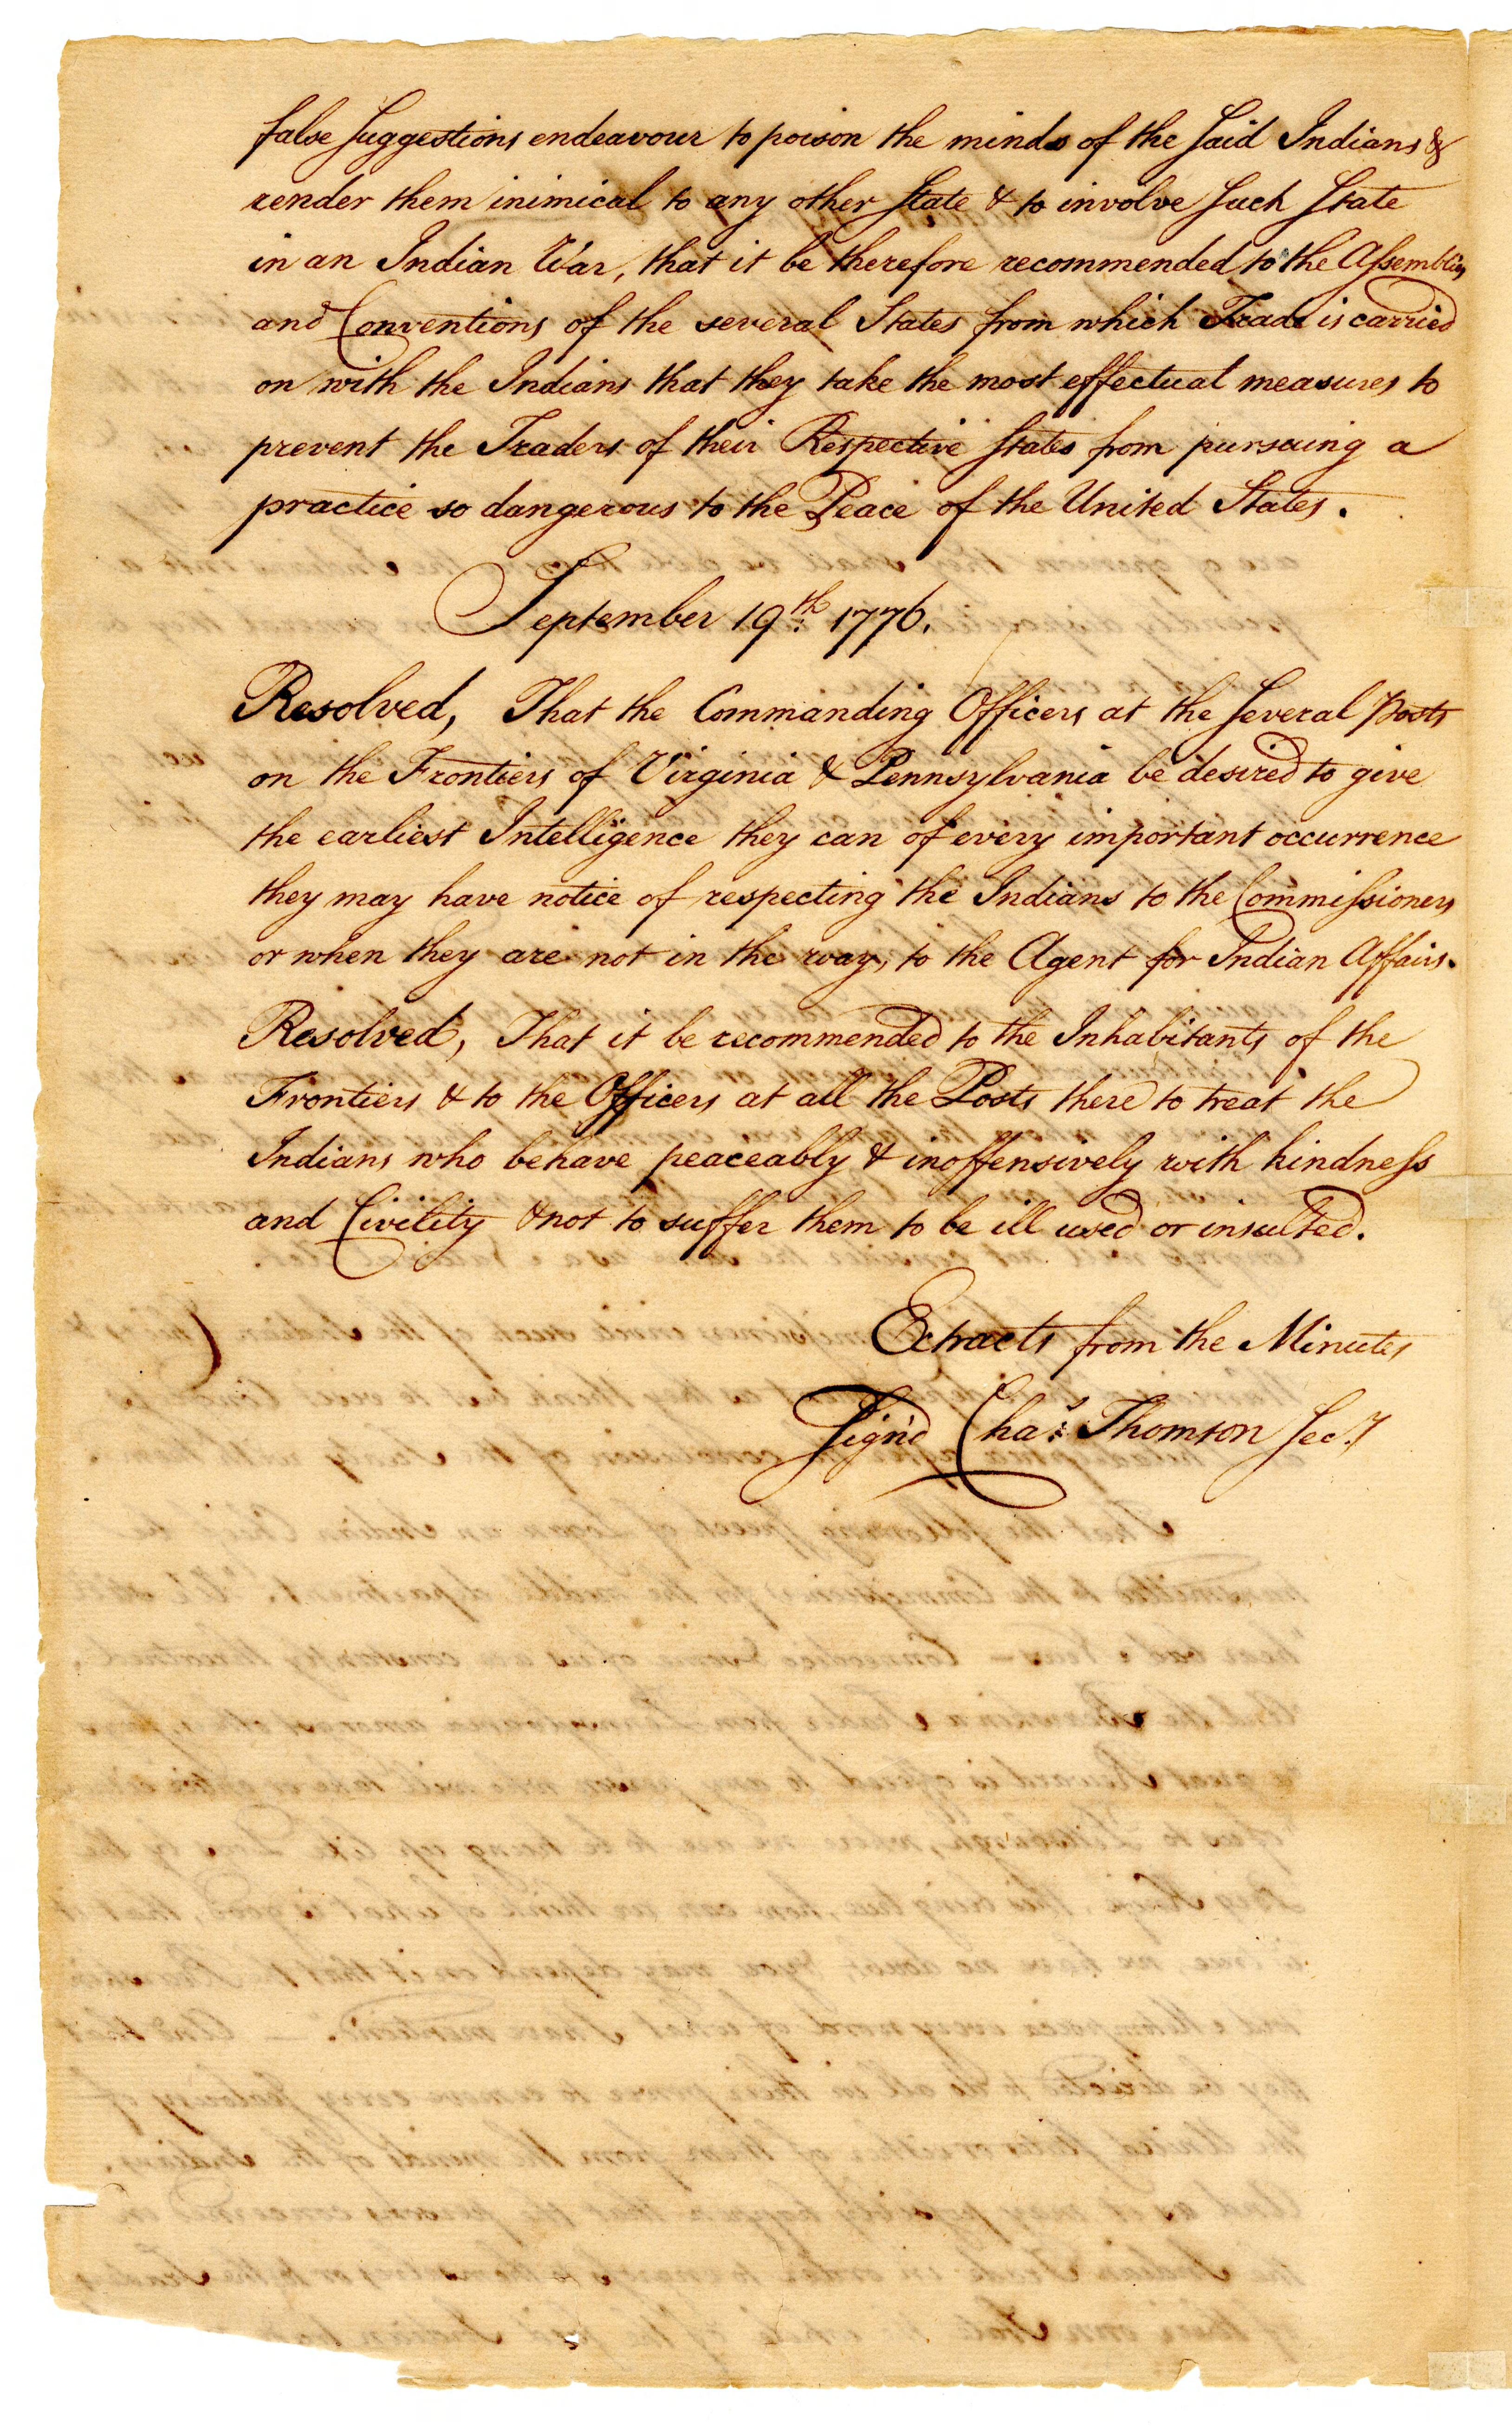false suggestions endeavour to poison the minds of the said Indians &
render them inimical to any other State & to involve such State
in an Indian War, that it be therefore recommended to the Assemblies
and Conventions of the several States from which Trade is carried
on with the Indians that they take the most effectual measures to
prevent the Traders of their Respective States from pursuing a
practice so dangerous to the Peace of the United States.
September 19^th. 1776.
Resolved, That the Commanding Officers at the Several posts
on the Frontiers of Virginia & Pennsylvania be desired to give
the earliest Intelligence they can of every important occurrence
they may have notice of respecting the Indians to the Commissioners
or when they are not in the way, to the Agent for Indian Affairs.
Resolved, That it be recommended to the Inhabitants of the
Frontiers & to the Officers at all the Posts there to treat the
Indians who behave peaceably & inoffensively with kindness
and Civility not to suffer them to be ill used or insulted.
Extracts from the Minutes
Sign'd Cha^s Thomson Sec^y